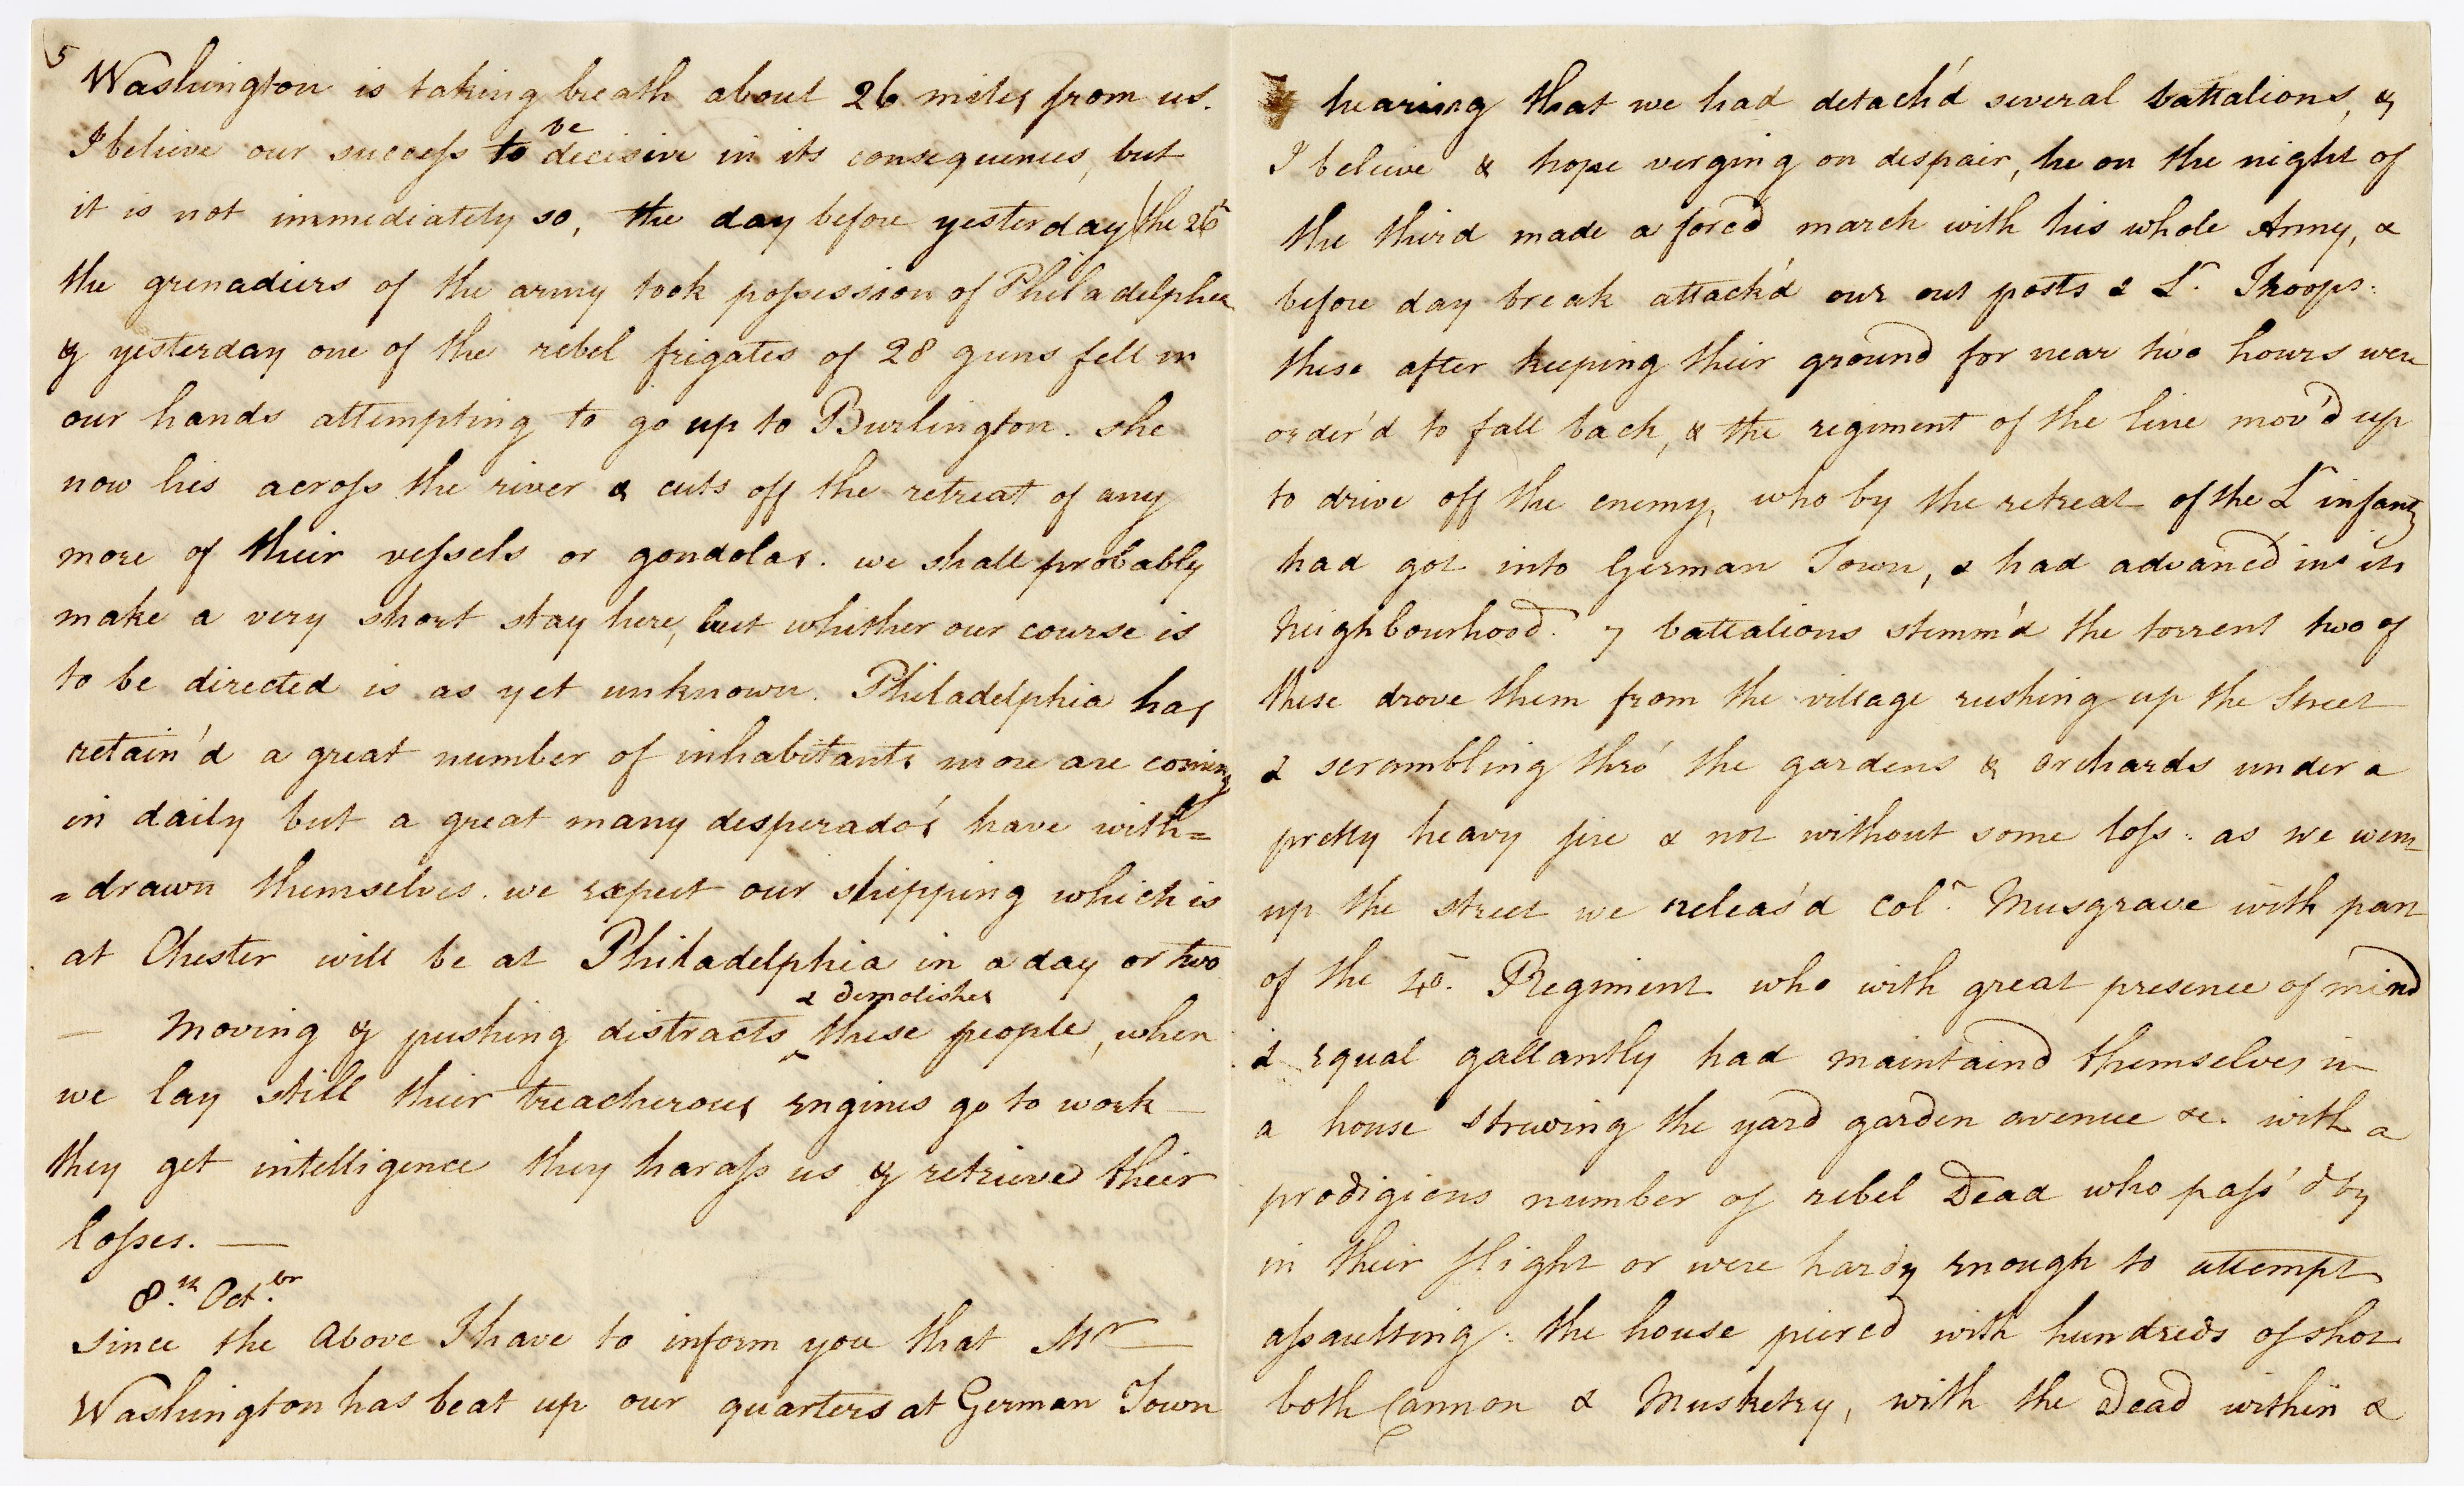Washington is taking breath about 26 miles from us.
I believe our success to decisive in its consequences, but
be
it is not immediately so, the day before yesterday (the 26^h
the grenadiers of the army took posession of Philadelphia
& yesterday one of the rebel frigates of 28 guns fell in
our hands attempting to go up to Burlington. she
now his across the river & cuts off the retreat of any
more of their vessels or gondolas. we shall probably
make a very short stay here, but whither our course is
to be directed is as yet unknown. Philadelphia has
retain'd a great number of inhabitants more are coming
in daily but a great many desperados have with-
-drawn themselves. we expect our shipping which is
at Chester will be at Philadelphia in a day or two
Moving & pushing distracts ^ these people, when
& demolishes
we lay still their treacherous engines go to work-
they get intelligence they harass us & retrieve their
losses.-
8^th. Oct^br.
since the Above I have to inform you that M^r
Washington has beat up our quarters at German Town
[_] hearing that we had detach'd several battalions, &
I believe & hope verging on despair, he on the night of
the third made a forcd march with his whole Army, &
before day break attack'd our out posts & L^t. Troops:
these after keeping their ground for near two hours were
order'd to fall back, & the regiment of the line mov'd up
to drive off the enemy, who by the retreat of the L^t infant
had got into German Town, & had advanc'd in its
neighbourhood. 7 battalions stemm'd the torrent two of
these drove them from the village rushing up the street
& scrambling thro' the gardens & orchards under a
pretty heavy fire & not without some loss: as we were
up the street we releas'd Col^n. Musgrave with part
of the 40. Regiment who with great presence of mind
& Equal gallantly had maintaind themselves in
a house strewing the yard garden avenue &c. with a
prodigious number of rebel Dead who pass'd by
in their flight or were hardy Enough to attempt
assautting: the house piercd with hundreds of shot
both Cannon & musketry, with the dead within a